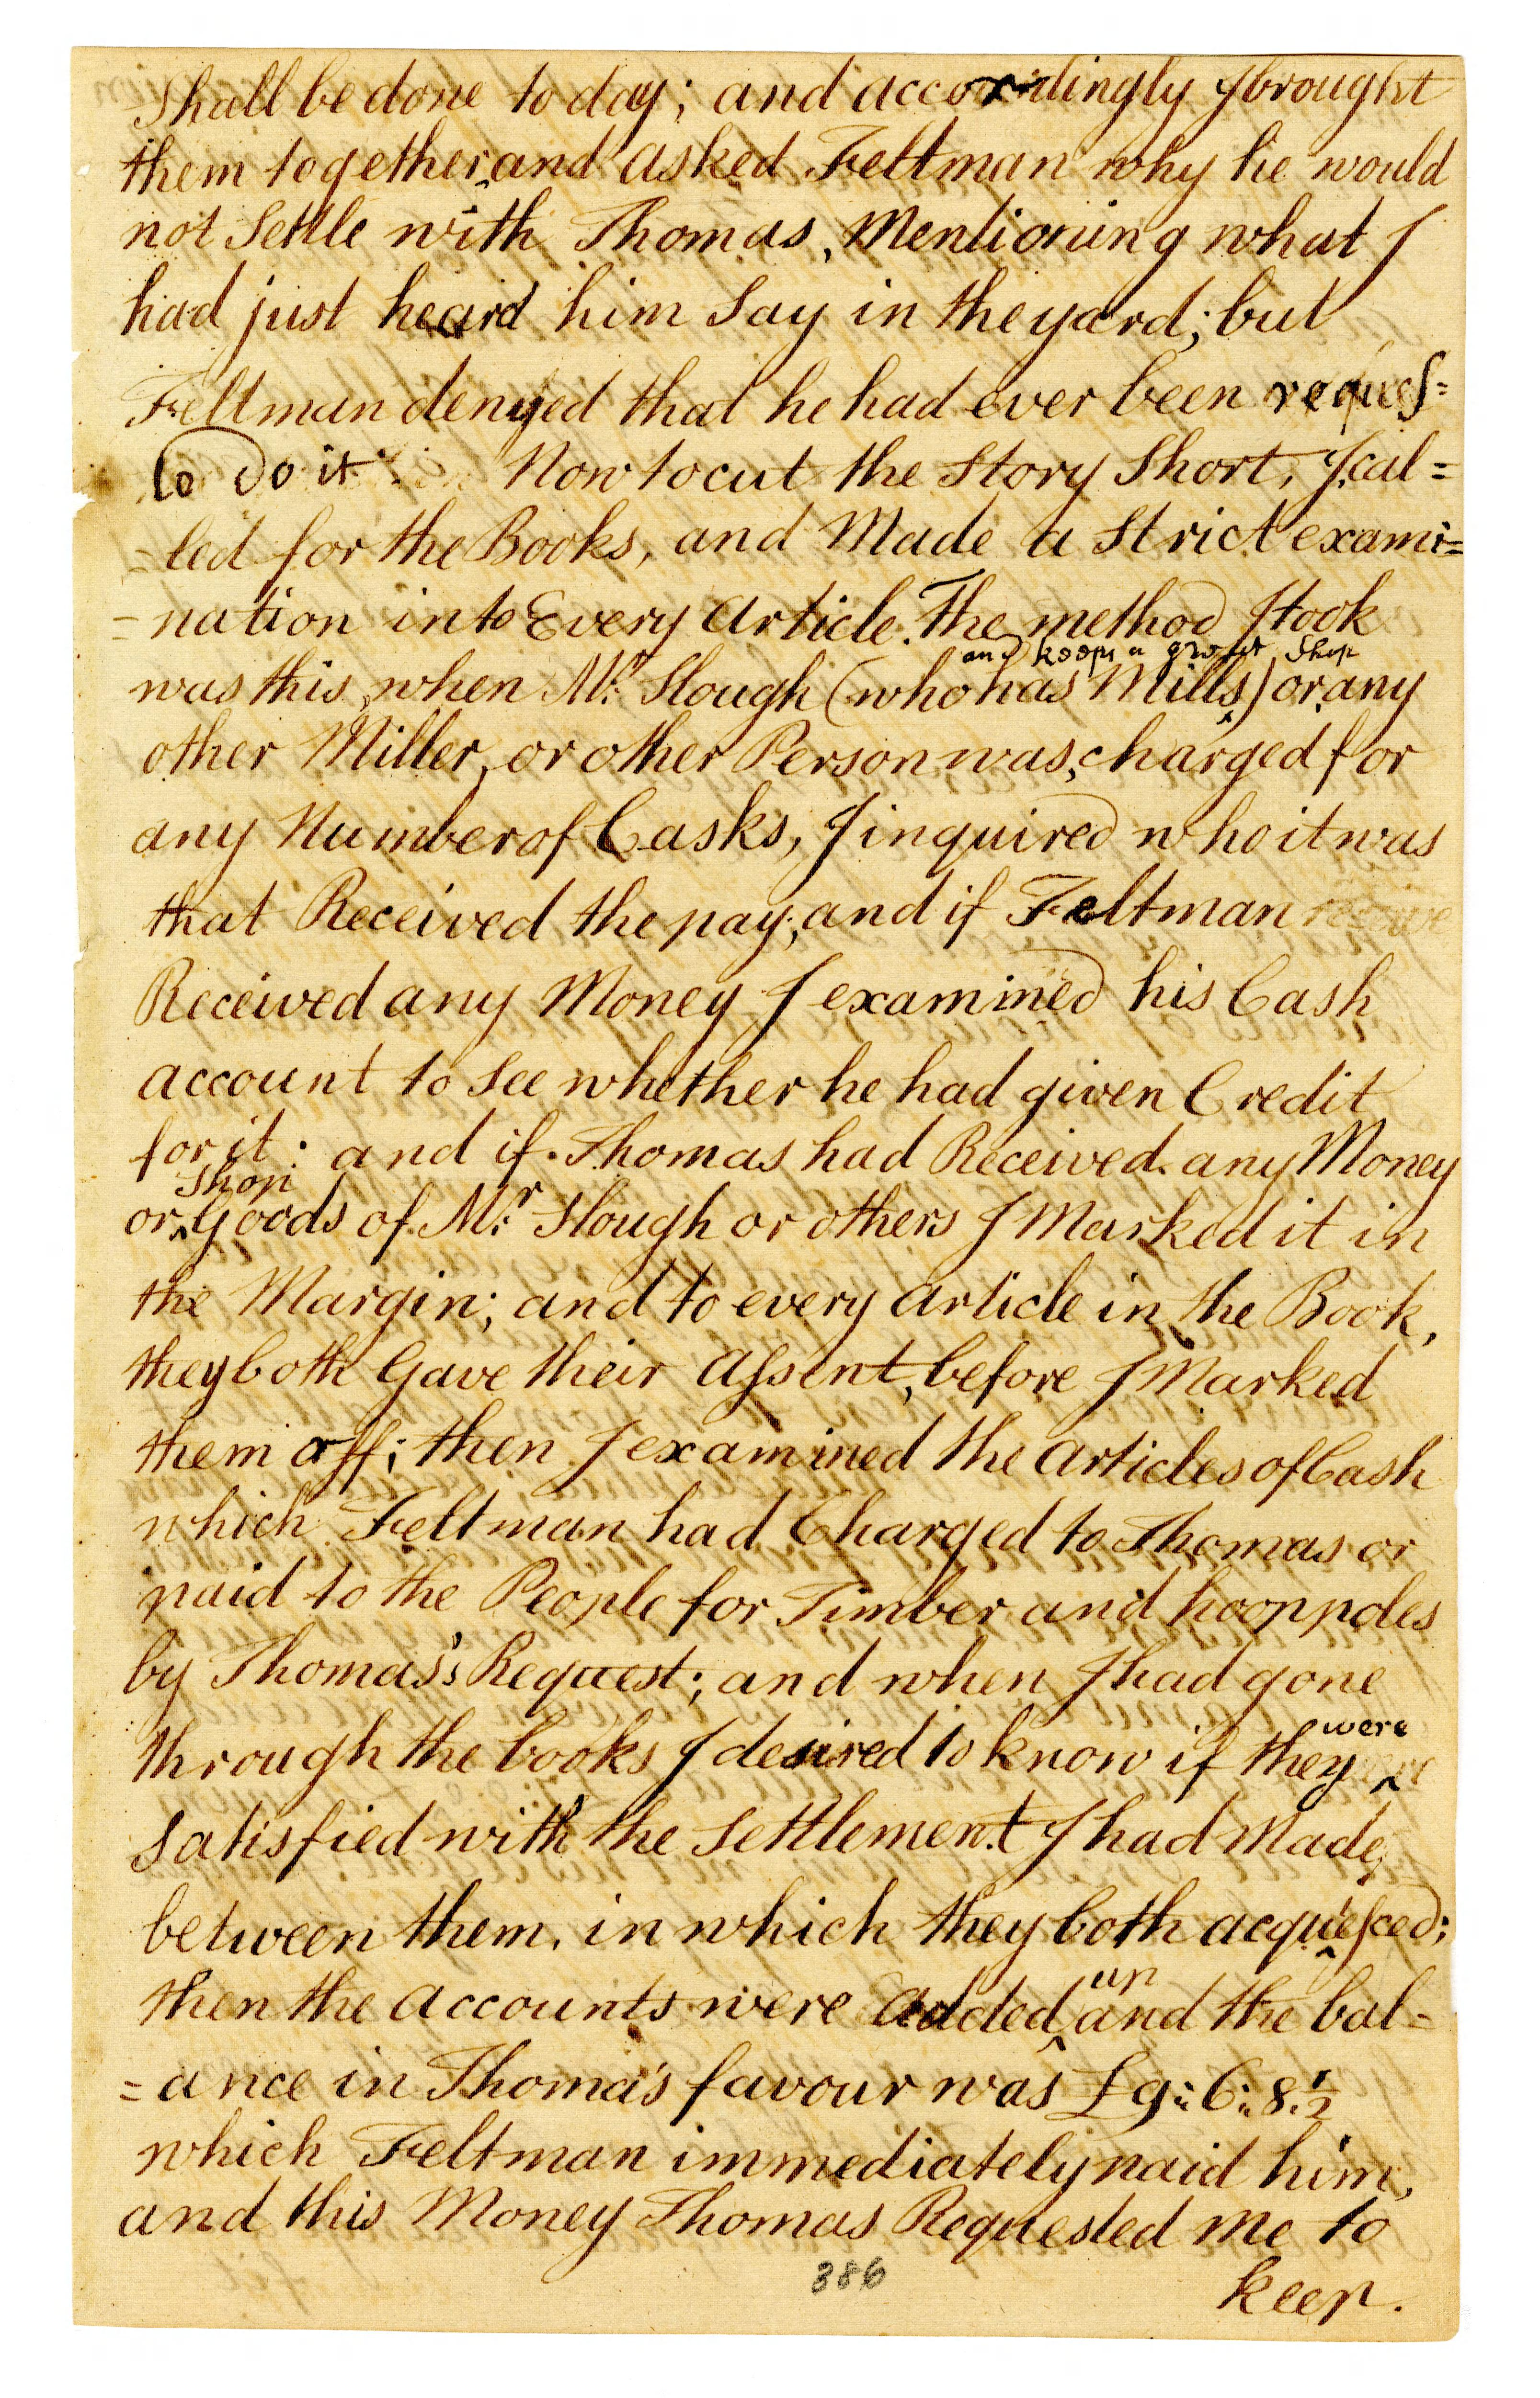shall be done to day; and accordingly I brought
them together ^ and asked Feltman why he would
not Settle with Thomas, Mentioning what I
had just heard him say in the yard; but
Feltman denyed that he had ever been reques-
to do it Now to cut the story Short, I cal-
-led for the Books, and Made a strict examin-
-nation into Every Article. The method I took
and keeps a {great} Shop
was this, when M^r. Hough (who has Mills ^) or, any
other Miller, or other Person was, charged for
any Number of Casks, I inquired who it was
that Received the pay; and if Feltman
Received any Money I examined his Cash
account to see whether he had given Credit
for it: and if Thomas had Received any Money
Shop
or ^ Goods of M:^r Hough or others Marked it in
the Margin; and to every Article in the Book,
they both Gave their Assent, before I Marked
them off; then I examined the Articles of Cash
which Feltman had Charged to Thomas or
paid to the People for Timber and hooppoles
by Thomas's Request; and when I had gone
were
through the books I desired to know if they ^
satisfied with the settlement I had Made,
between them, in which they both acqu^iesced;
up
then the Accounts were Added^ and the bal-
-ance in Thoma's favour was £0:.6:.8. 1/2
which Feltman immediately paid him,
and this Money Thomas Requested Me to
keep.